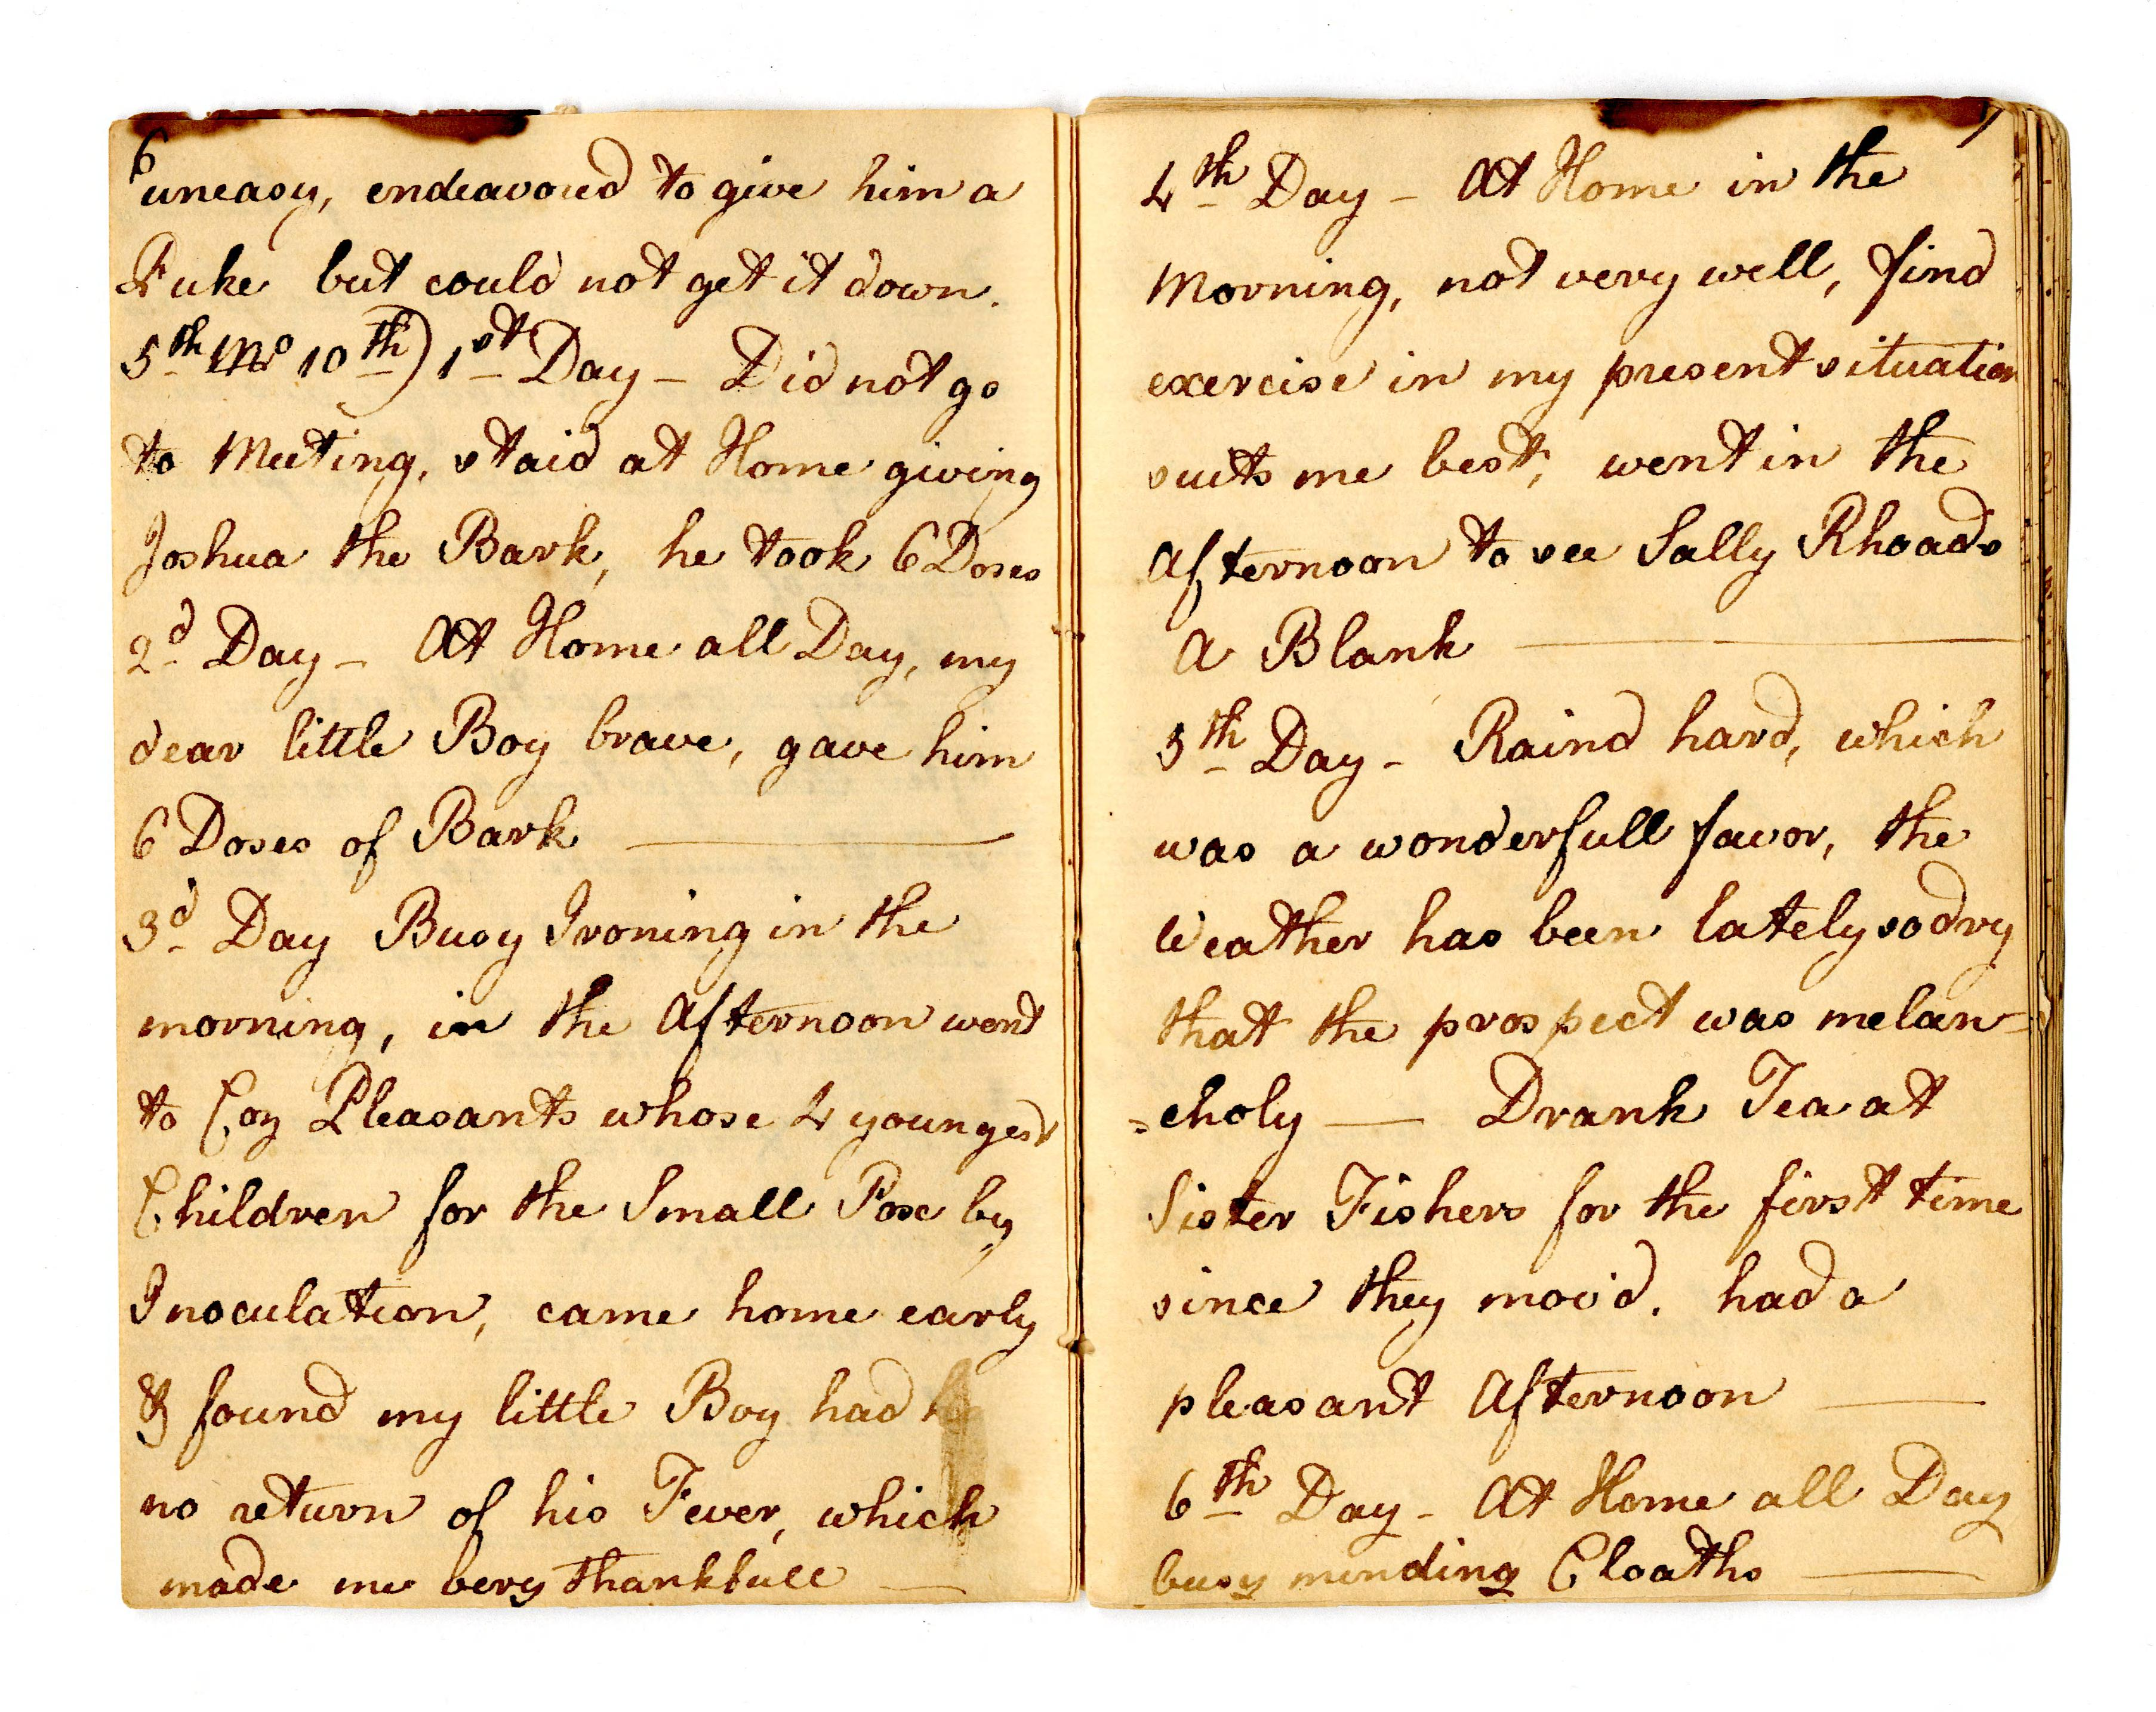6
uneasy, endeavoured to give him a
Puke but could not get it down.
5^th M^o 10^th) 1^st Day- Did not go
to Meeting, staid at Home giving
Joshua the Bark, he took 6 Doses
2^d Day- At Home all Day, my
dear little Boy brave, gave him
6 Doses of Bark
3^d. Day Busy Ironing in the
morning, in the Afternoon went
to Coz Pleasants whose 4 youngest
Children for the Small Pox by
Inoculation, came home early
& found my little Boy had [___]
no return of his Fever, which
made me very thankfull
7
4^th Day- At Home in the
Morning, not very well, find
exercise in my present situation
suits me best, went in the
Afternoon to see Sally Rhoads
A Blank
5^th Day- Raind hard, which
was a wonderfull favor, the
Weather has been lately so dry
that the prospect was melan-
-choly- Drank Tea at
Sister Fishers for the first time
since they mov'd. had a
pleasant Afternoon-
6^th Day- At Home all Day
busy mending Cloaths